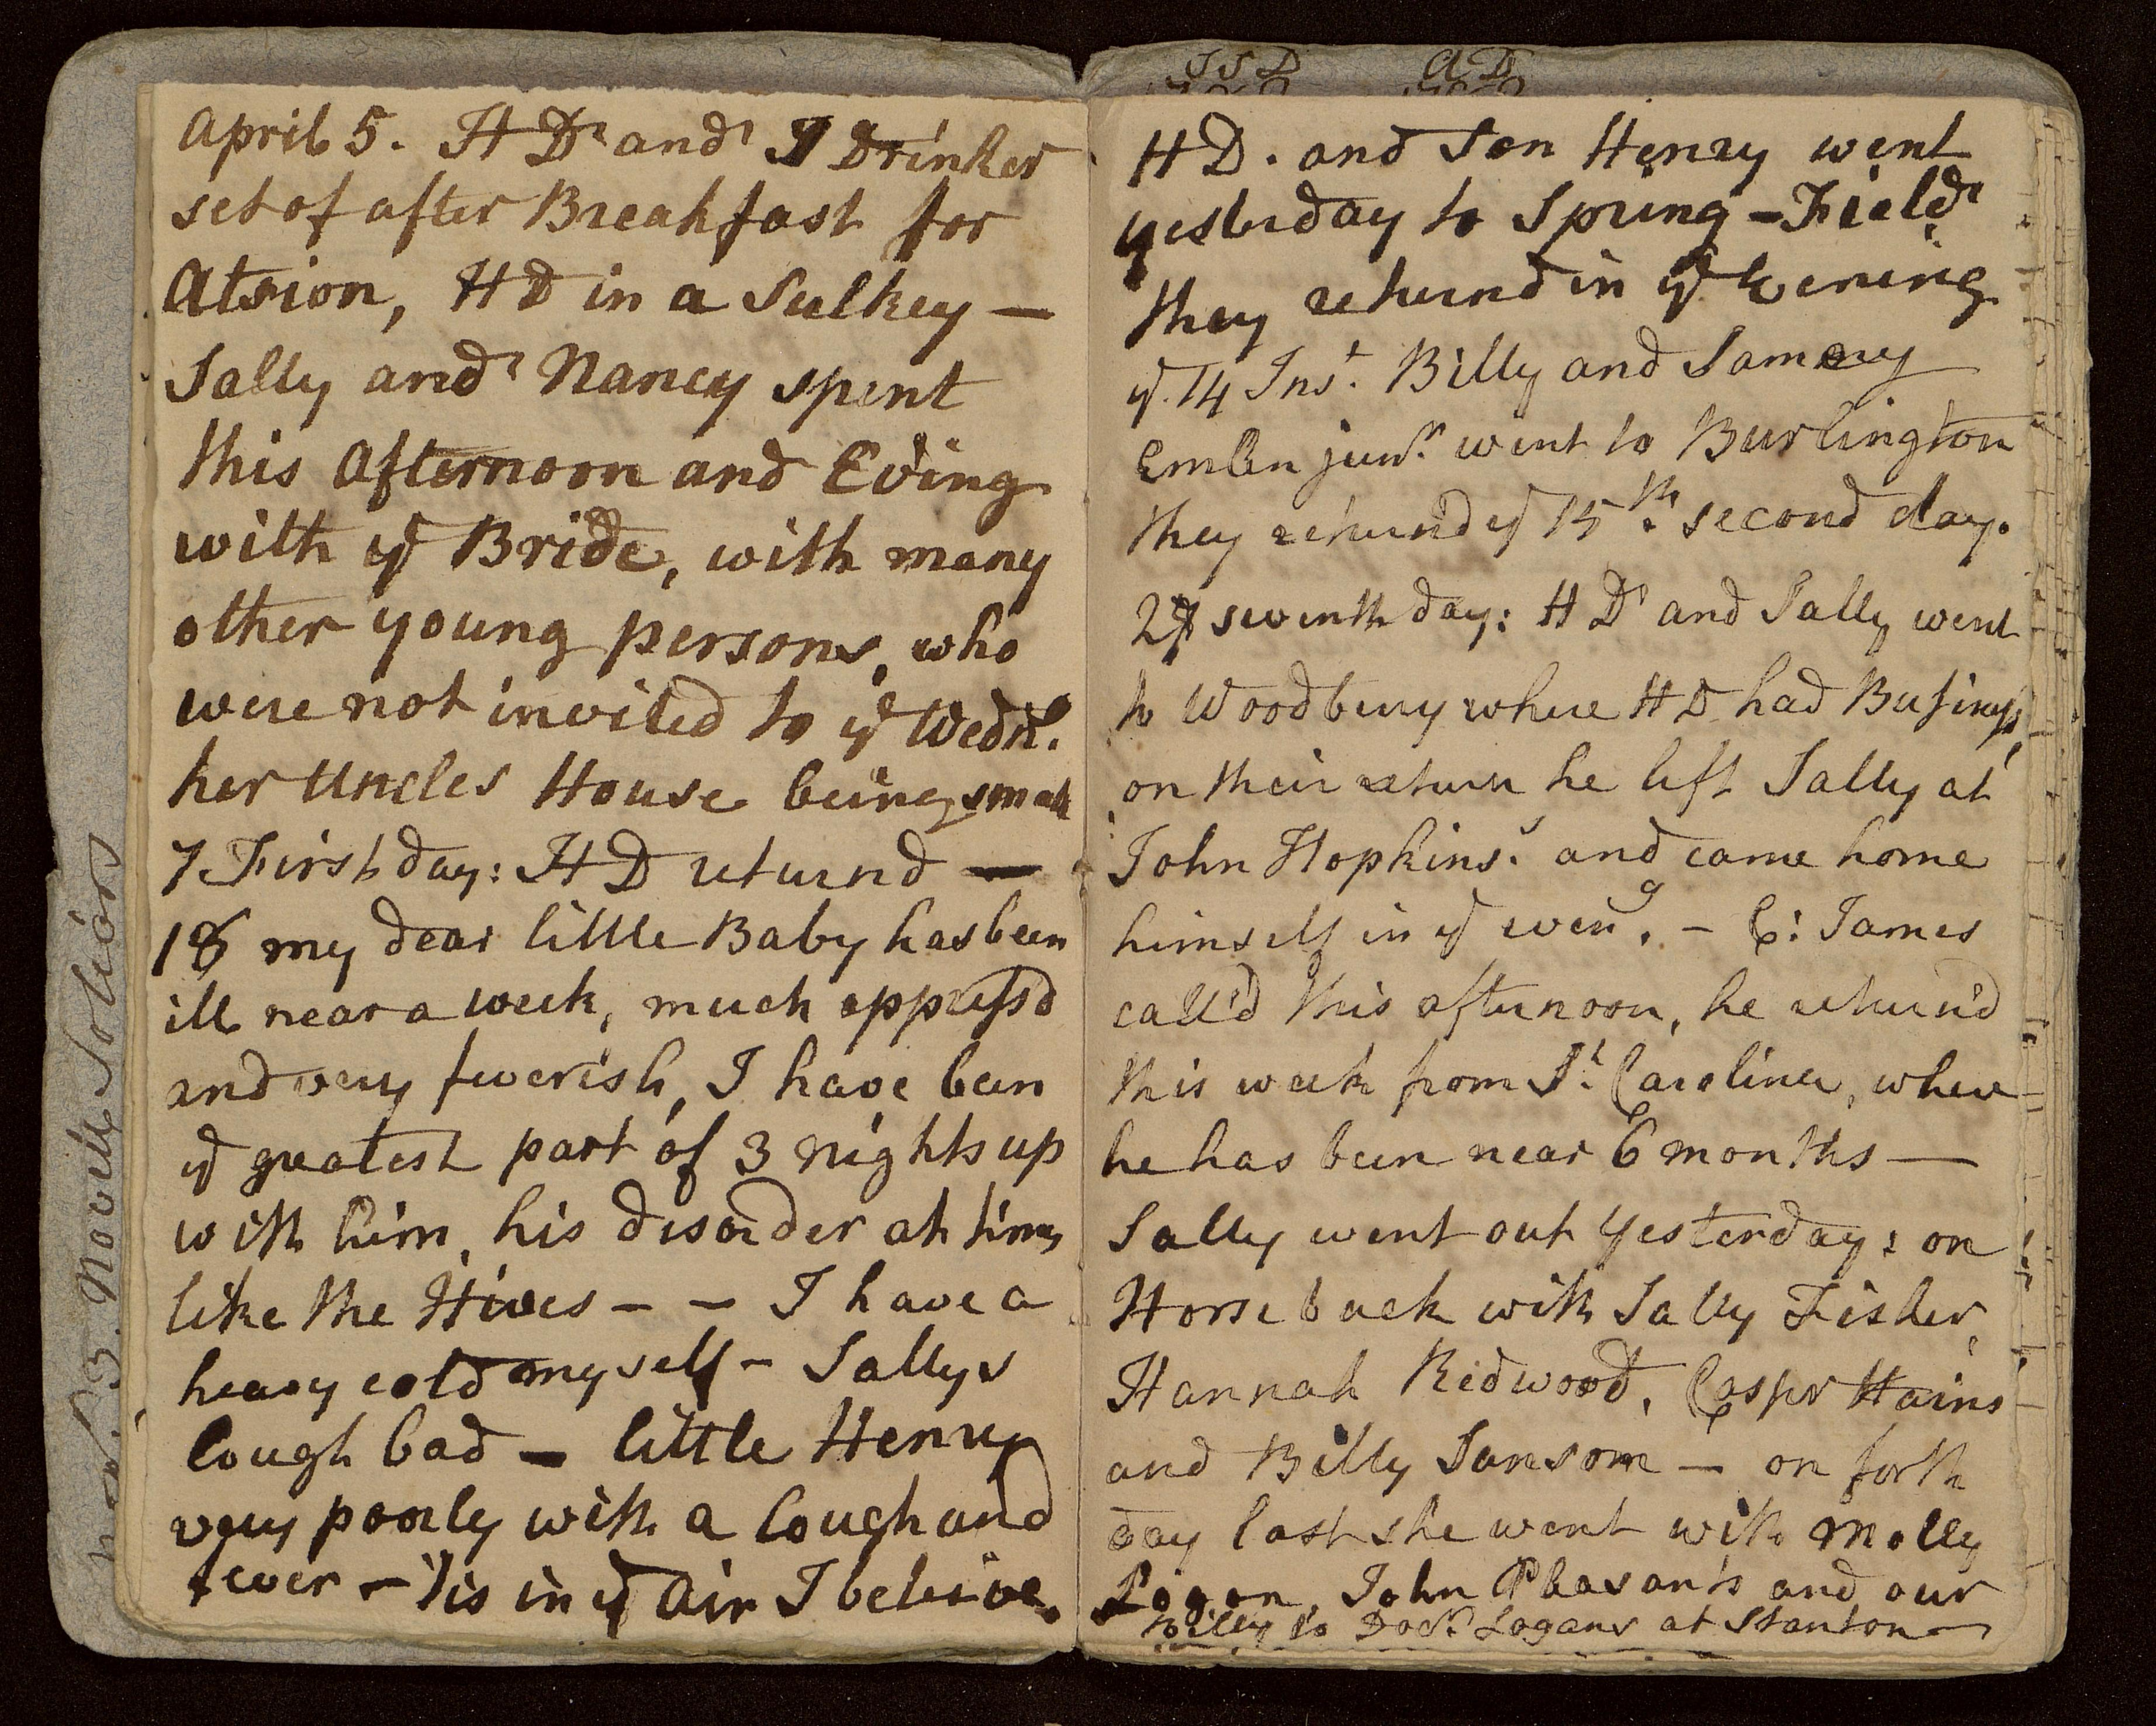April 5. HD and J Drinker
set of after Breakfast for
Atsion, HD in a Sulkey-
Sally and Nancy spent
this Afternoon and Eving
with y^e Bride, with many
other young persons, who
were not invited to y^e Wedn^g.
her Uncles House being small
7 First day: HD returnd-
18 my dear little Baby has been
ill near a week, much oppress'd
and very feverish, I have been
y^e greatest part of 3 nights up
with him his disorder at time,
like the Hives-- I have a
heavy cold myself- Sallys
Cough bad- little Henry
very poorly with a Cough and
fever- 'tis in y^e air I beleive
HD. and Son Henry went
yesterday to Spring-Field
they returnd in y^e Evening
y^e 14 Ins^t. Billy and Sammy
Emlen jun^r. went to Burlington
they returnd y^e 15^th. second day.
27 seventh day: HD and Sally went
to Woodbury where HD had Business,
on their return he left Sally at
John Hopkins^s. and came home
himself in y^e even^g. - C: James
call'd this afternoon, he return'd
this week from S^h. Carolina, where
he has been near 6 months-
Sally went out Yesterday : on
Horse back with Sally Fisher,
Hannah Redwood, Caspr Hains-
and Billy Sansom- on forth
day last she went with Molly
Logan John Pleasants and our
Billy to Doc^r. Logans at Stanton-